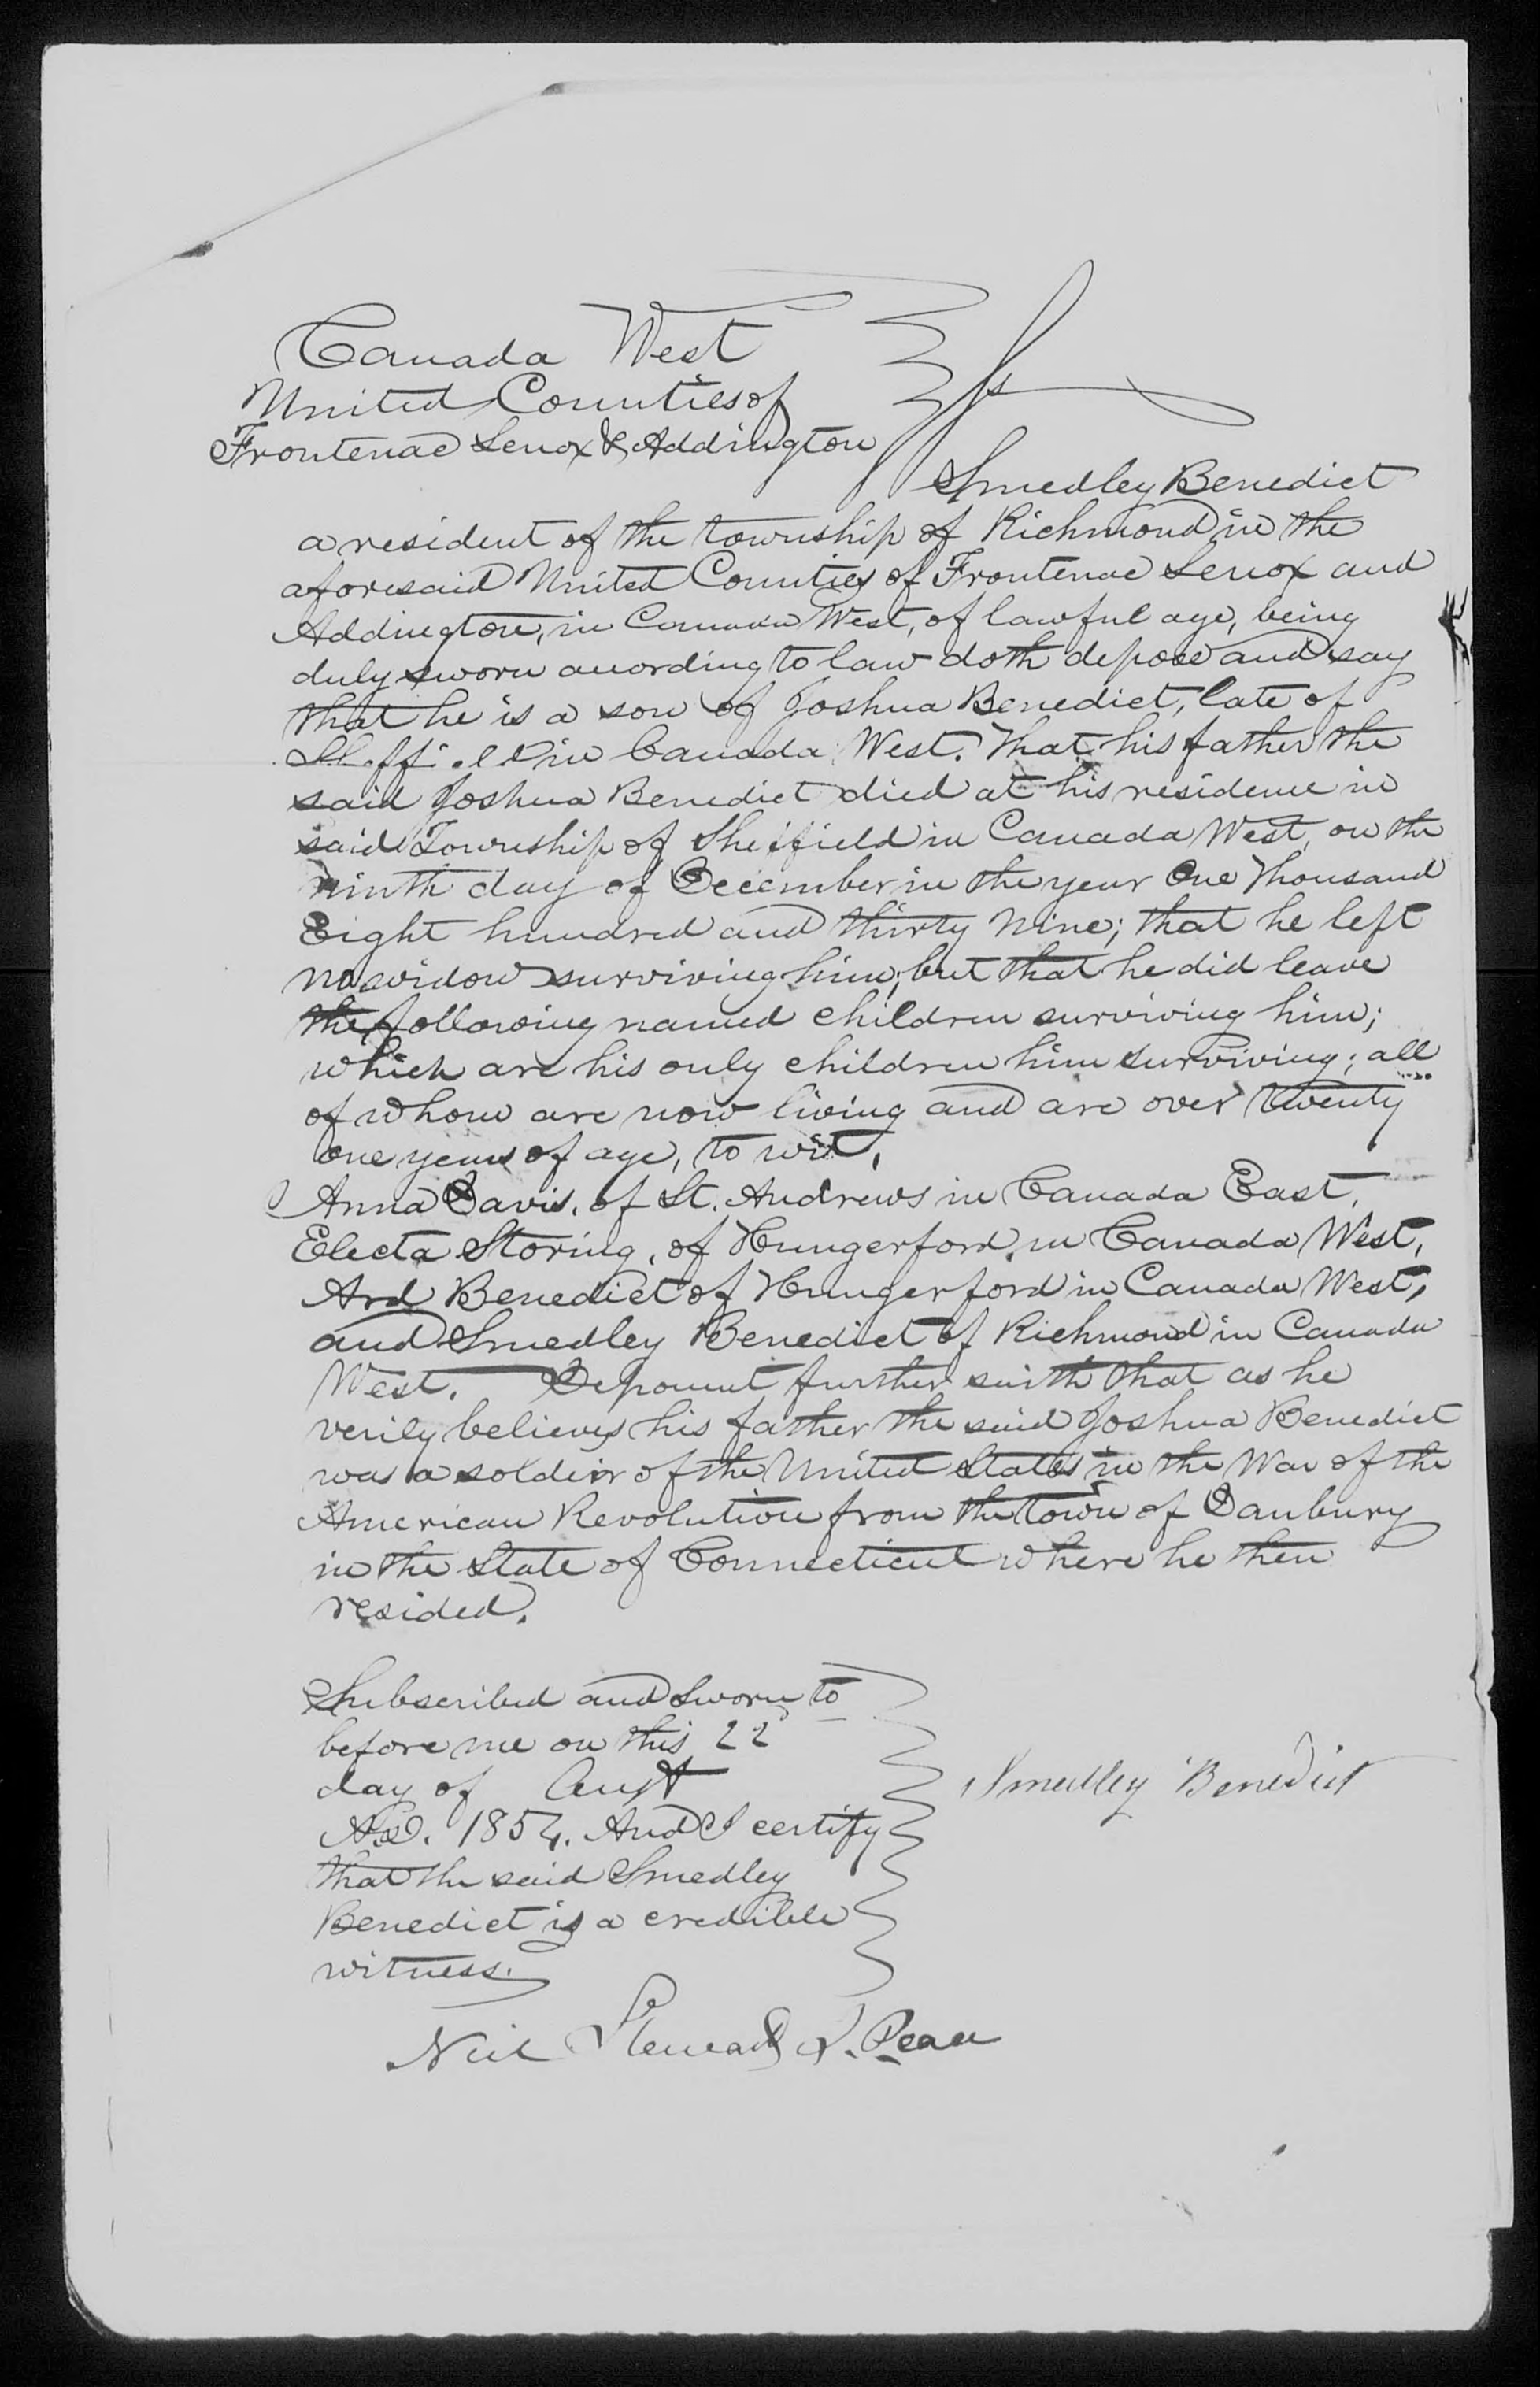Canada West
United Counties of
Frontenac Lenox [Lennox] & Addington } Ss
Smedley Benedict a resident of the township of Richmond in the aforesaid United Counties of Frontenac Lenox [Lennox] and Addington, in Canada West, of lawful age, being duly sworn according to law doth depose and say that he is a son of Joshua Benedict, late of Sheffield in Canada West. That his father the said Joshua Benedict died at his residence in said Township of Sheffield in Canada West, on the ninth day of December in the year One Thousand Eight hundred and thirty nine; that he left no widow surviving him; but that he did leave the following named children surviving him; which are his only children him surviving; all of whom are now living and are over twenty one years of age, to wit,
Anna Davis, of St. Andrews in Canada East,
Electa Storing, of Hungerford, in Canada West,
Ard Benedict of Hungerford in Canada West,
and Smedley Benedict of Richmond in Canada West. Deponent further saith that as he verily believes his father the said Joshua Benedict was a soldier of the United States in the War of the American Revolution from the town of Danbury in the State of Connecticut where he then resided.
Smedley Benedict

Subscribed and Sworn to before me on this 22d day of Augt A.D. 1854. And I certify that the said Smedley Benedict is a credible witness.
Niel Stewart J. Peace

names: Joshua Benedict, Smedley Benedict, Smedley Benedict, Joshua Benedict, Smedley Benedict, Smedley Benedict, Ard Benedict, Anna Davis, Electa Storing, Neil Stewart, Joshua Benedict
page: 91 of 106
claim: survivor's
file: S 23,116., Joshua Benedict, Conn.